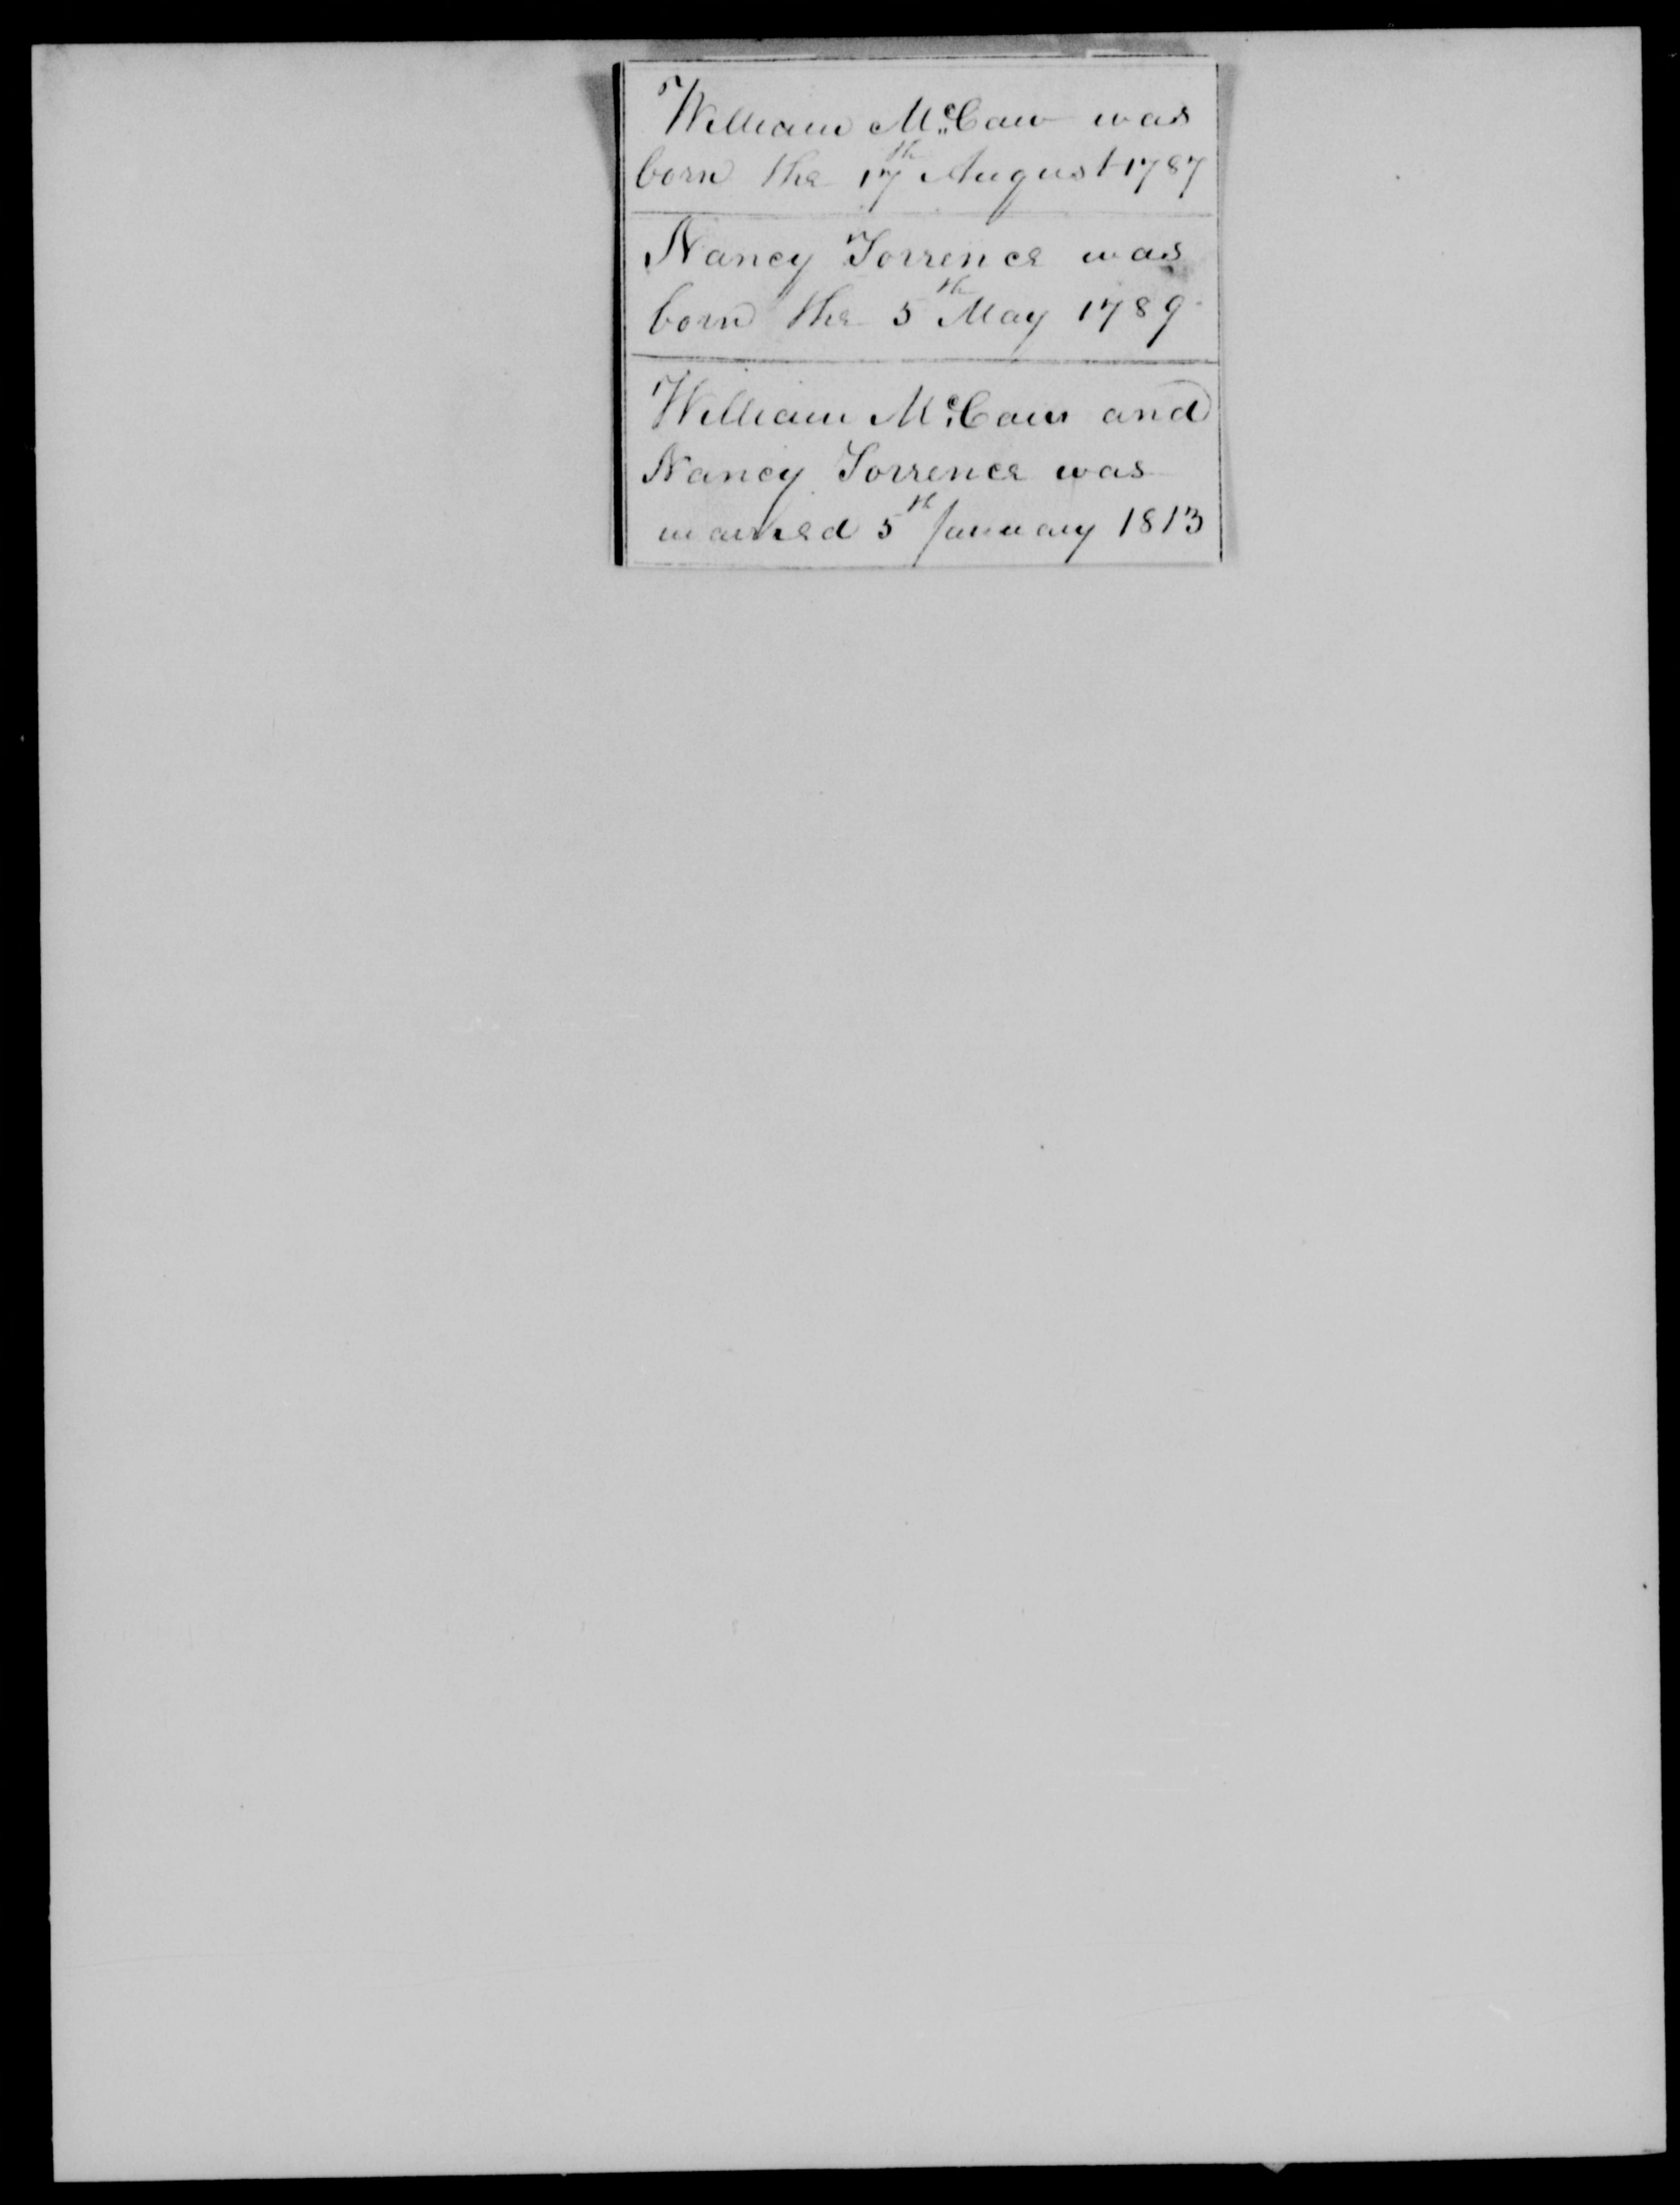William McCaw was born the 17th August 1787
Nancy Torrence was born the 5th May 1789
William McCaw and Nancy Torrence was married 5th January 1813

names: William Mc Caw, William Mc Caw, Nancy Torrence, Nancy Torrence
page: 2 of 27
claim: widow's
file: W. 9860, Samuel Torrons, Va.